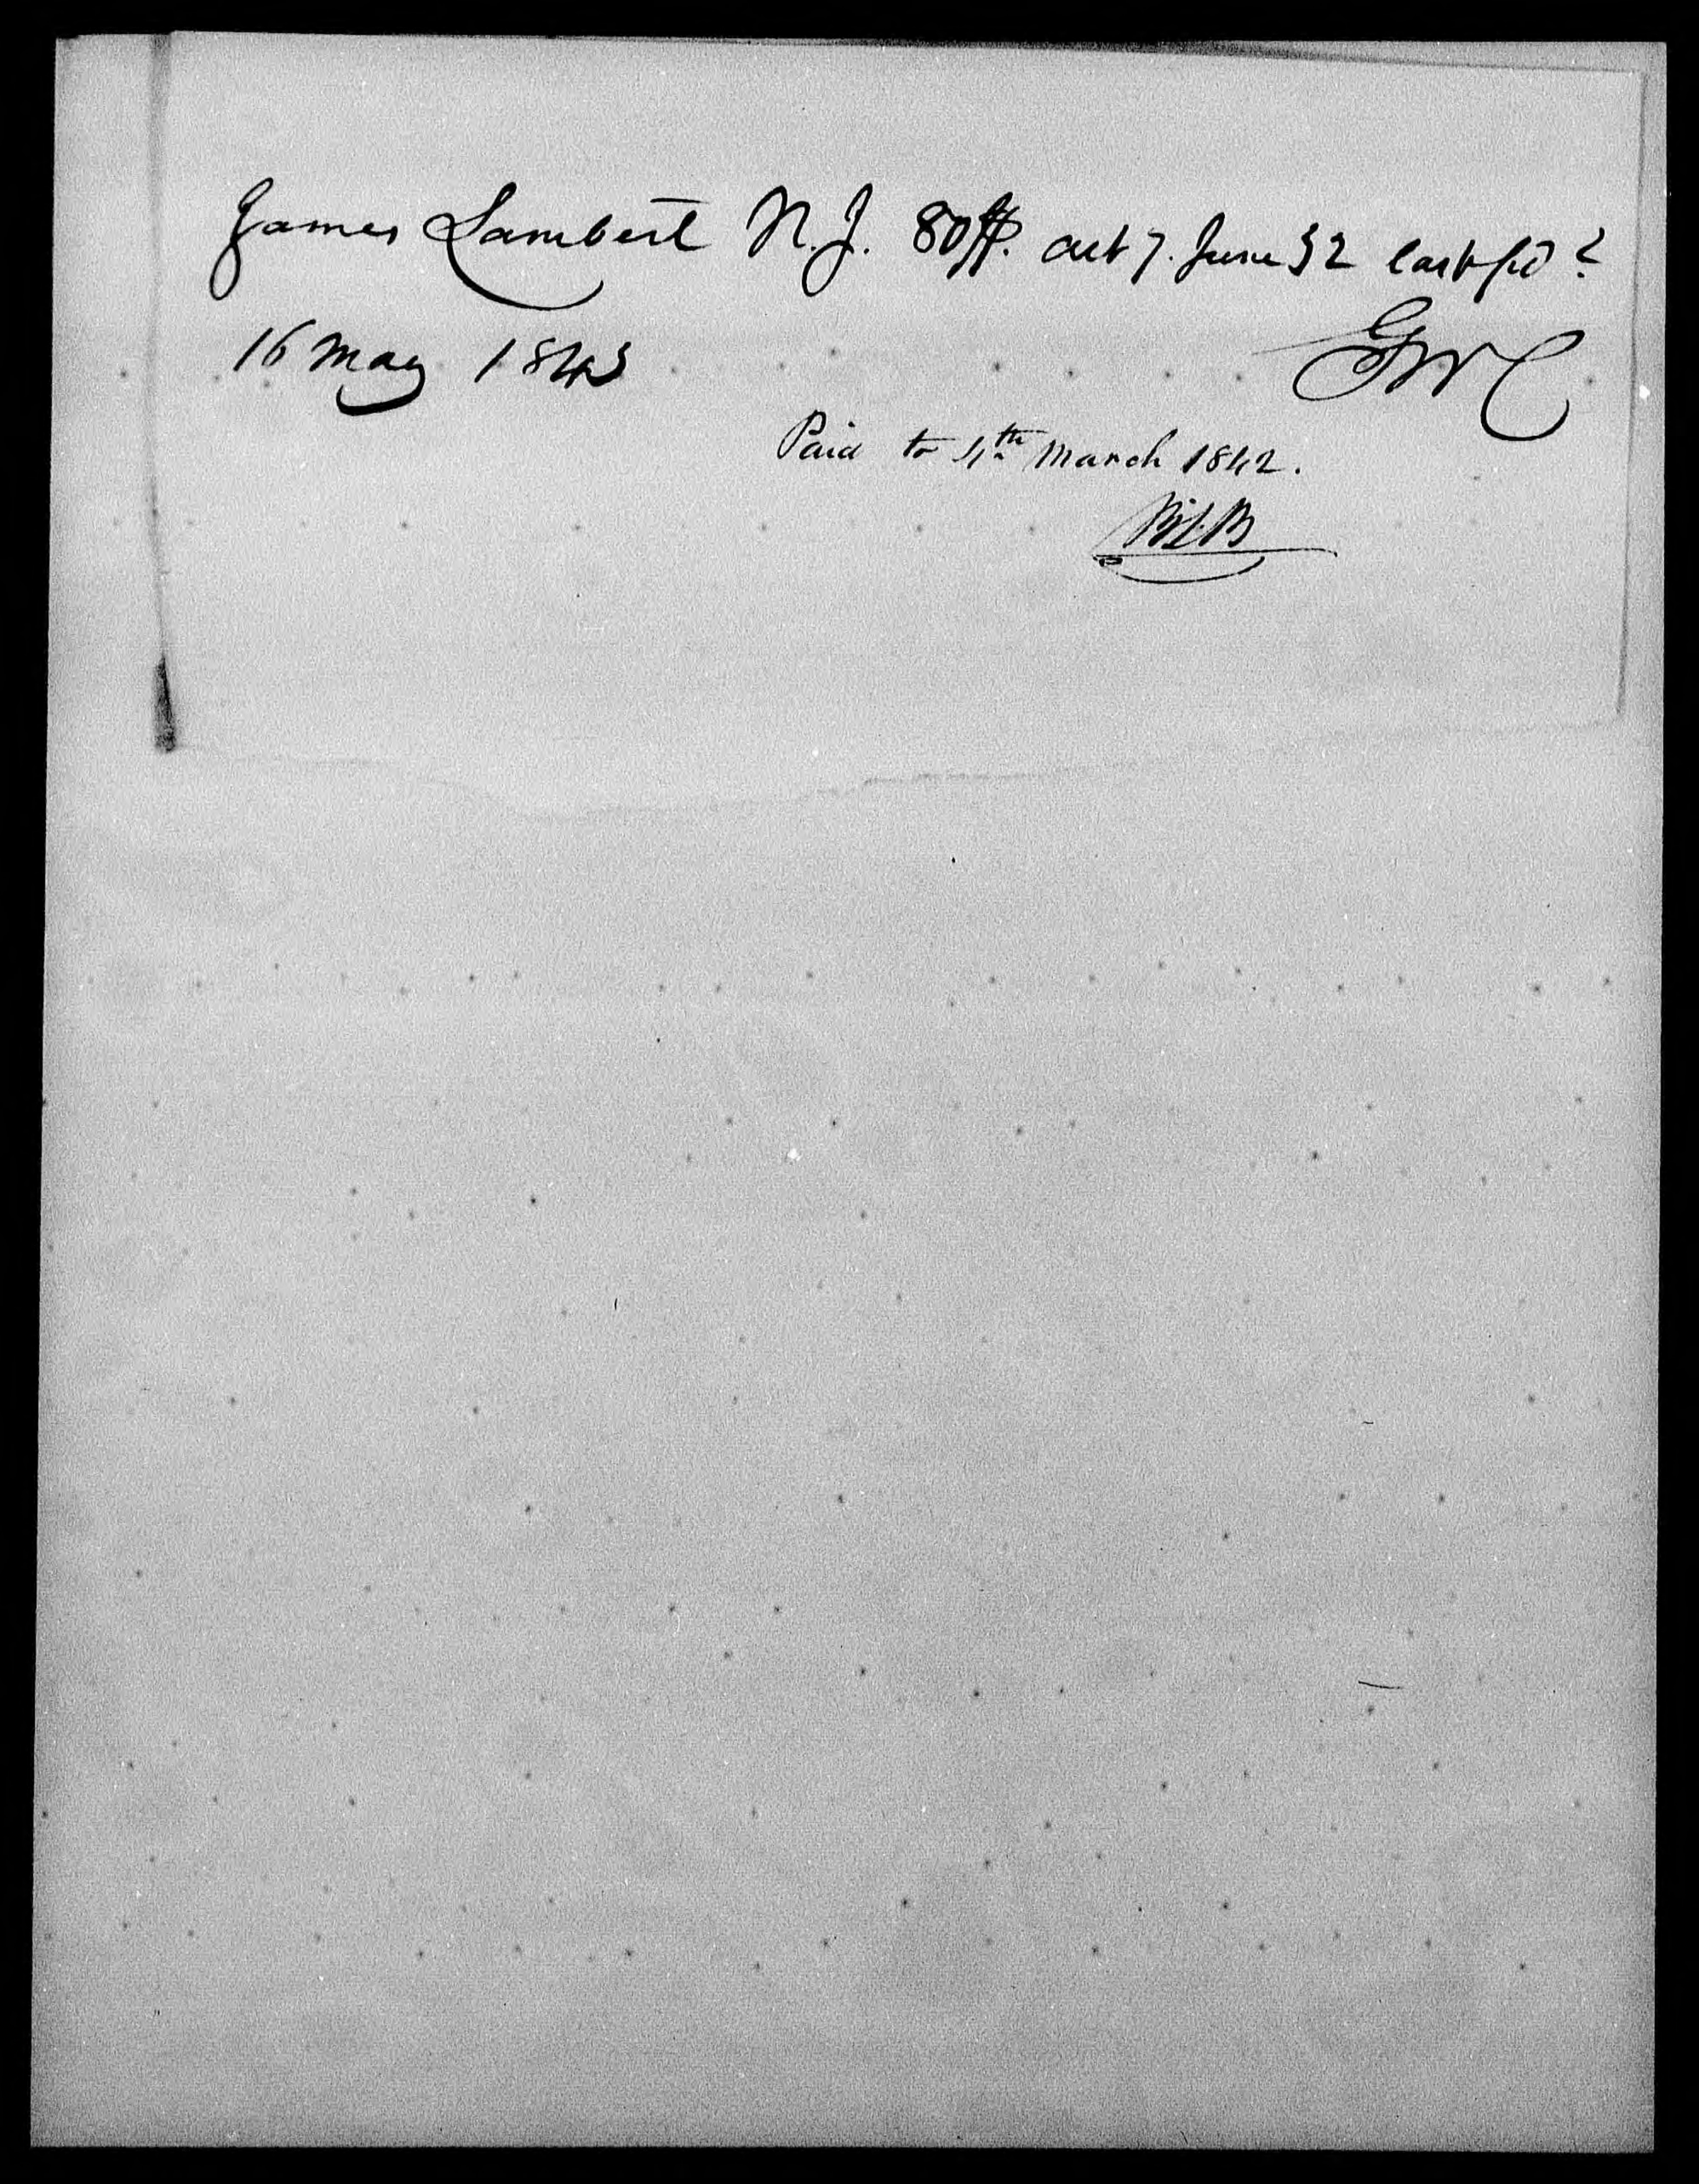James Lambert N. J. 80$ Act 7 June 32 certfd
16 May 1842  GWC
Paid to 4th March 1842   
BLB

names: James Lambert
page: 23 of 49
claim: widow's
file: W. 859, for James Lambert, New Jersey